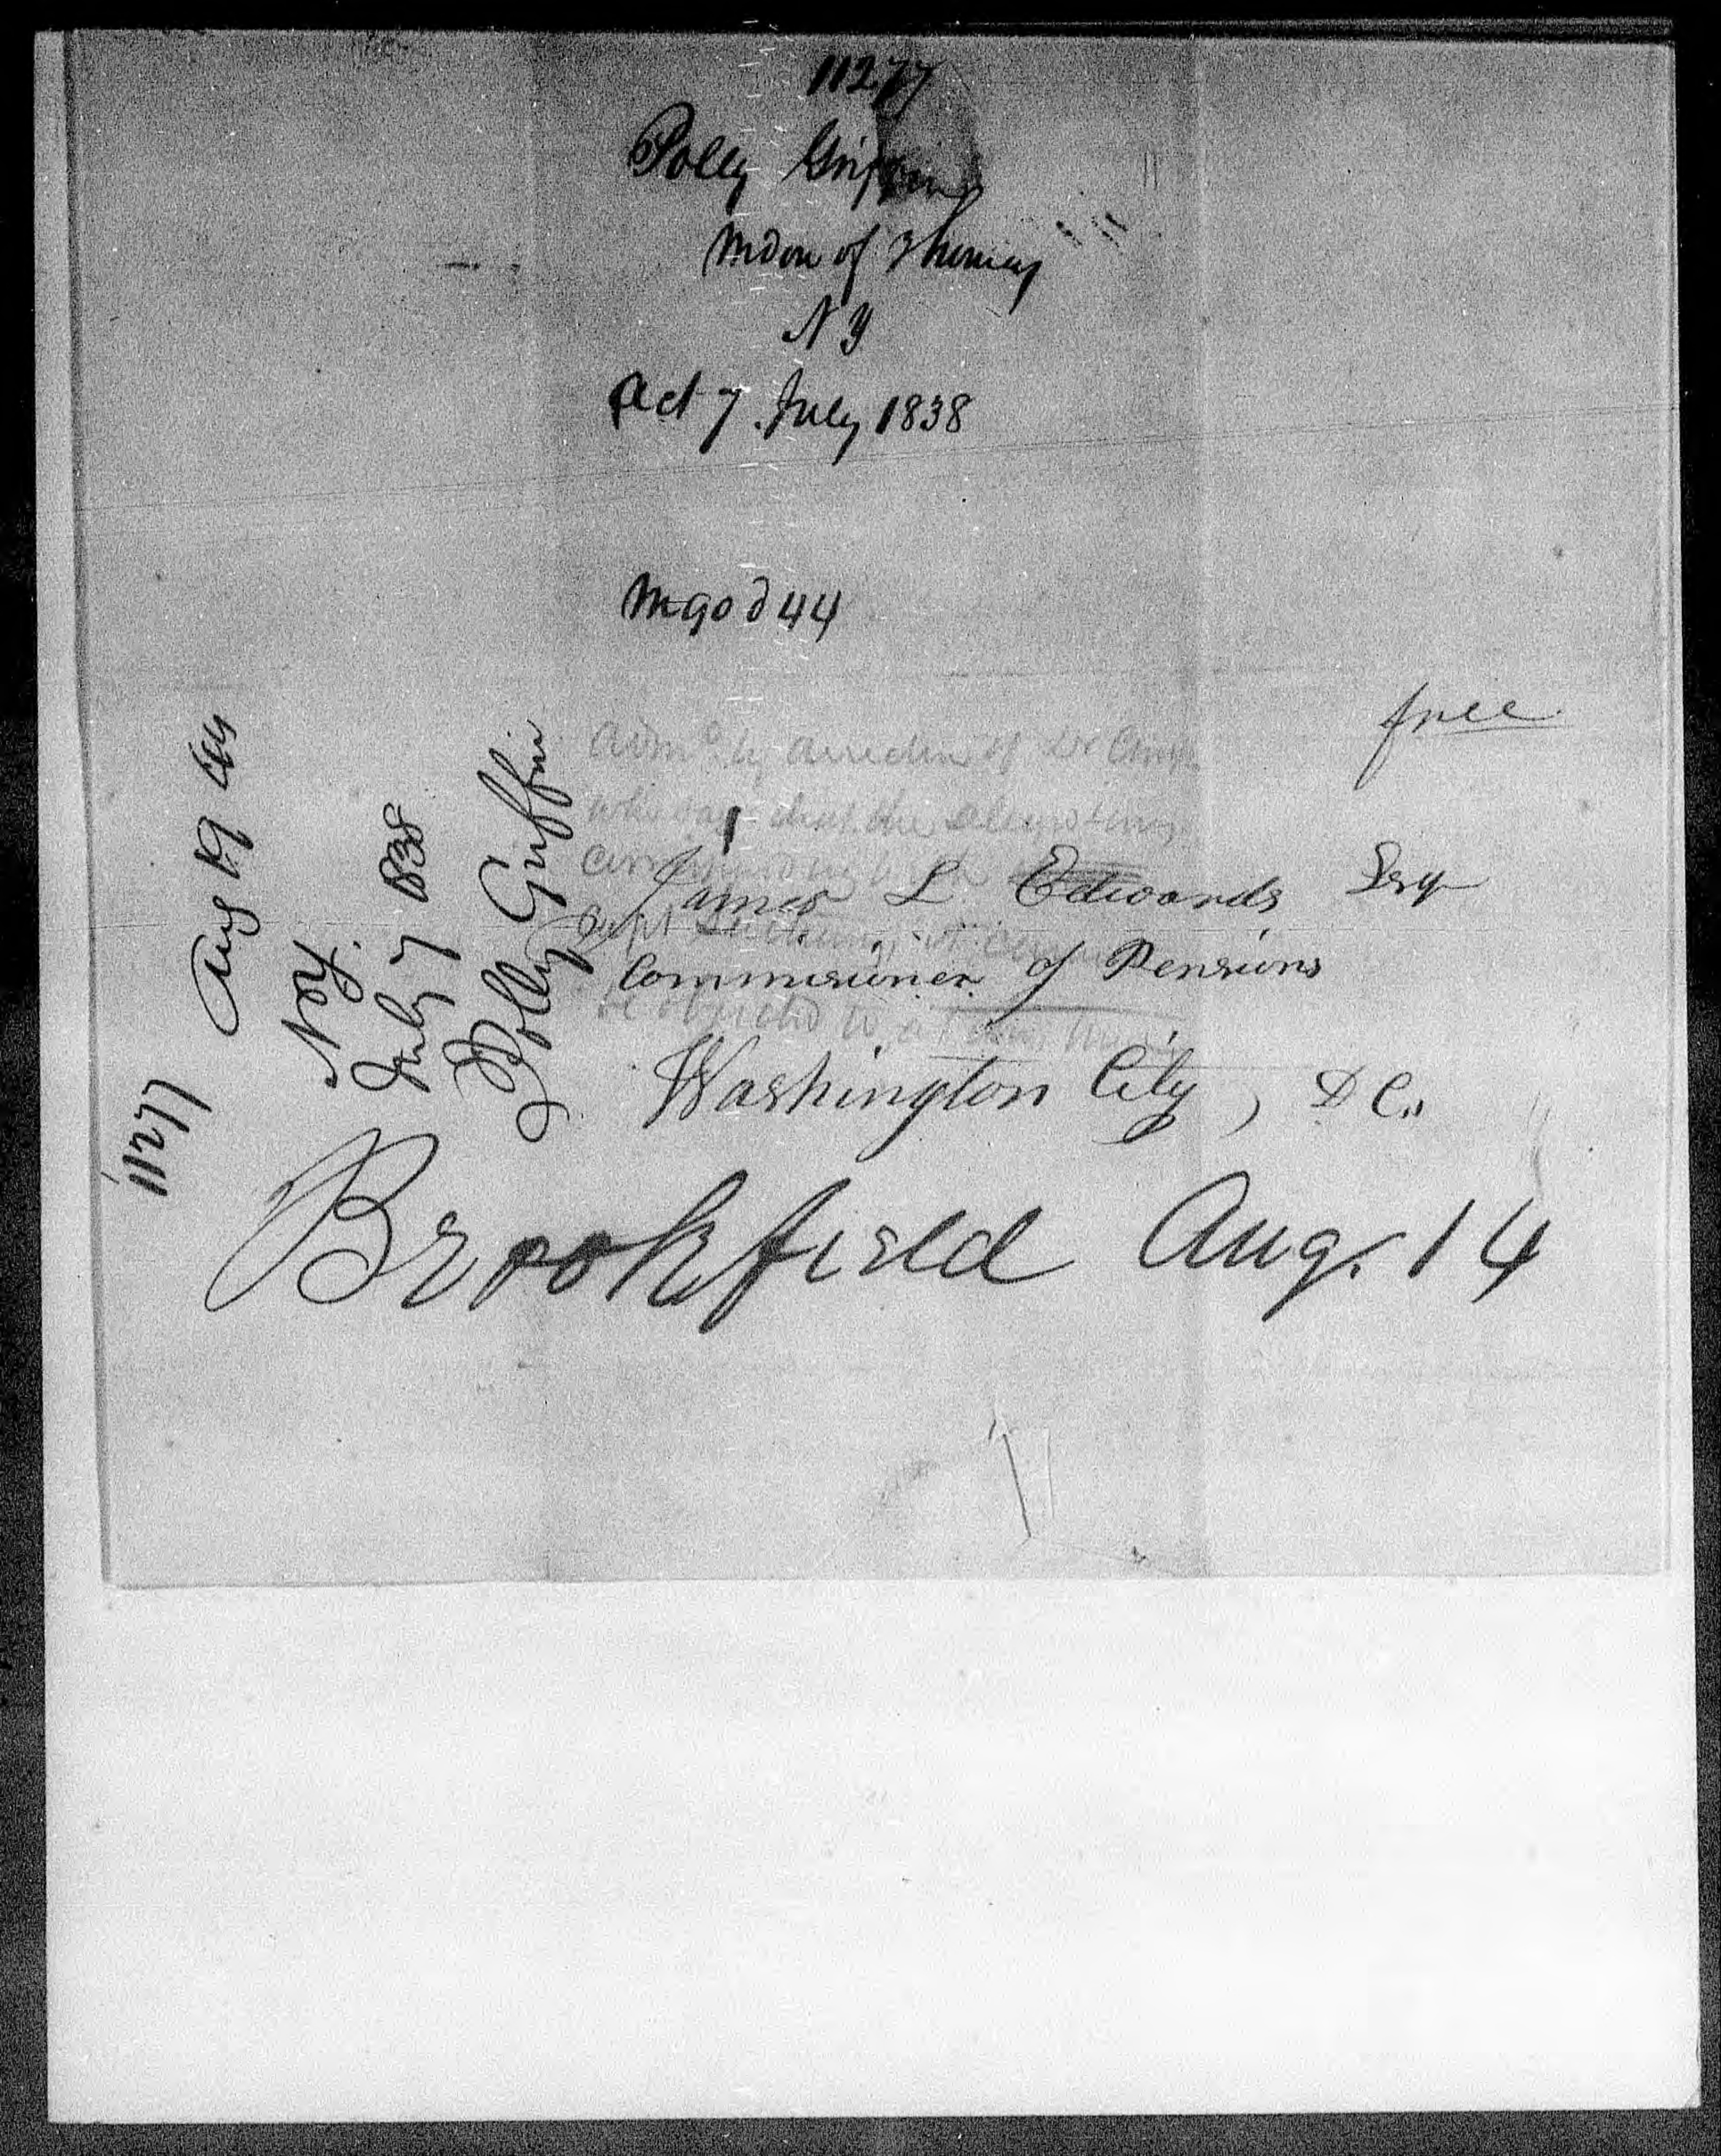11277
Polly Griffin
Widow of Thomas
NY
Act 7 July 1838
Mgod 44
free
James L Edwards Esqr
Commisioner of Pensions
Washington City, D C.
Brookfield Aug. 14

11277 Aug 19 44
NY.
July 7 1838
Polly Griffin

[in pencil, in background] Admd. by direction of Dr [illegible] who says that the [illegible] commanded by [illegible] Capt [illegible] be objected to at the time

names: Sullivan, Polly Griffin, Polly Griffin, Thomas Griffin, James L Edwards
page: 31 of 60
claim: widow's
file: W. 19,537, Thomas Griffin, Conn.